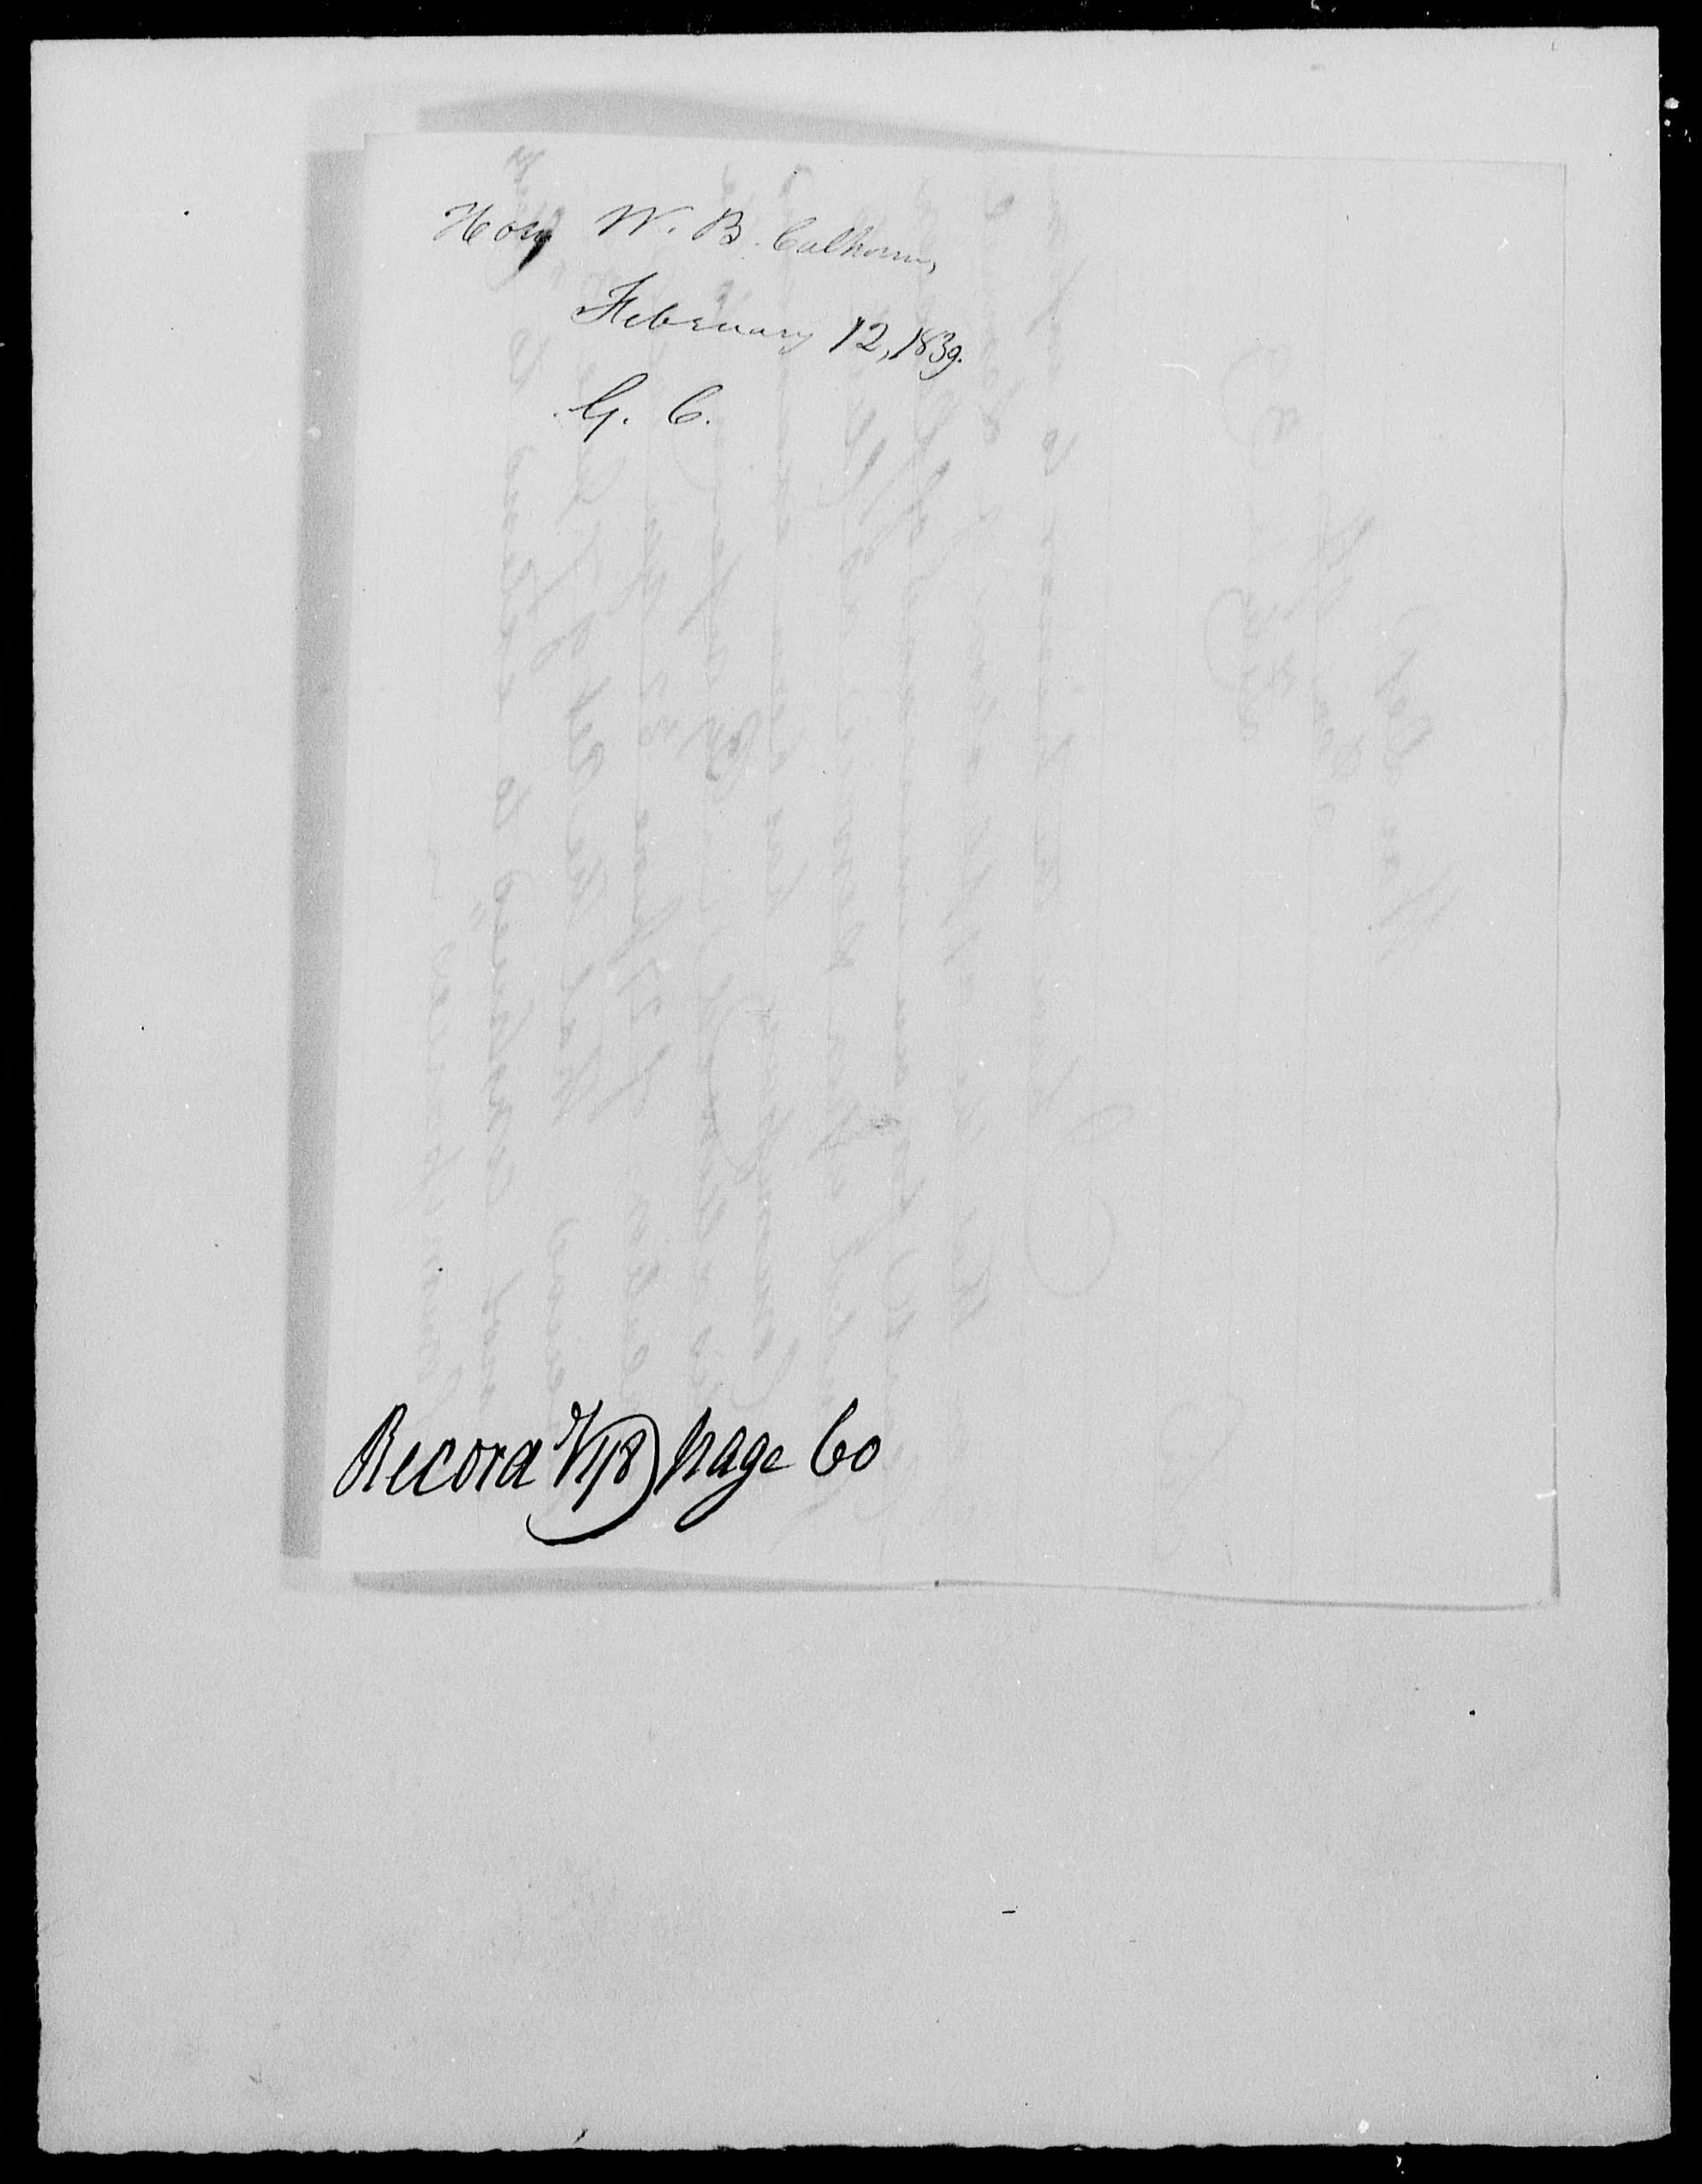Hon. W. B. Calhoun
February 12, 1839
G.C.

Record 7/18 Gage Co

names: W B Calhoun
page: 16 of 48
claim: survivor's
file: S. 17343, Lemuel Clarke, Mass.